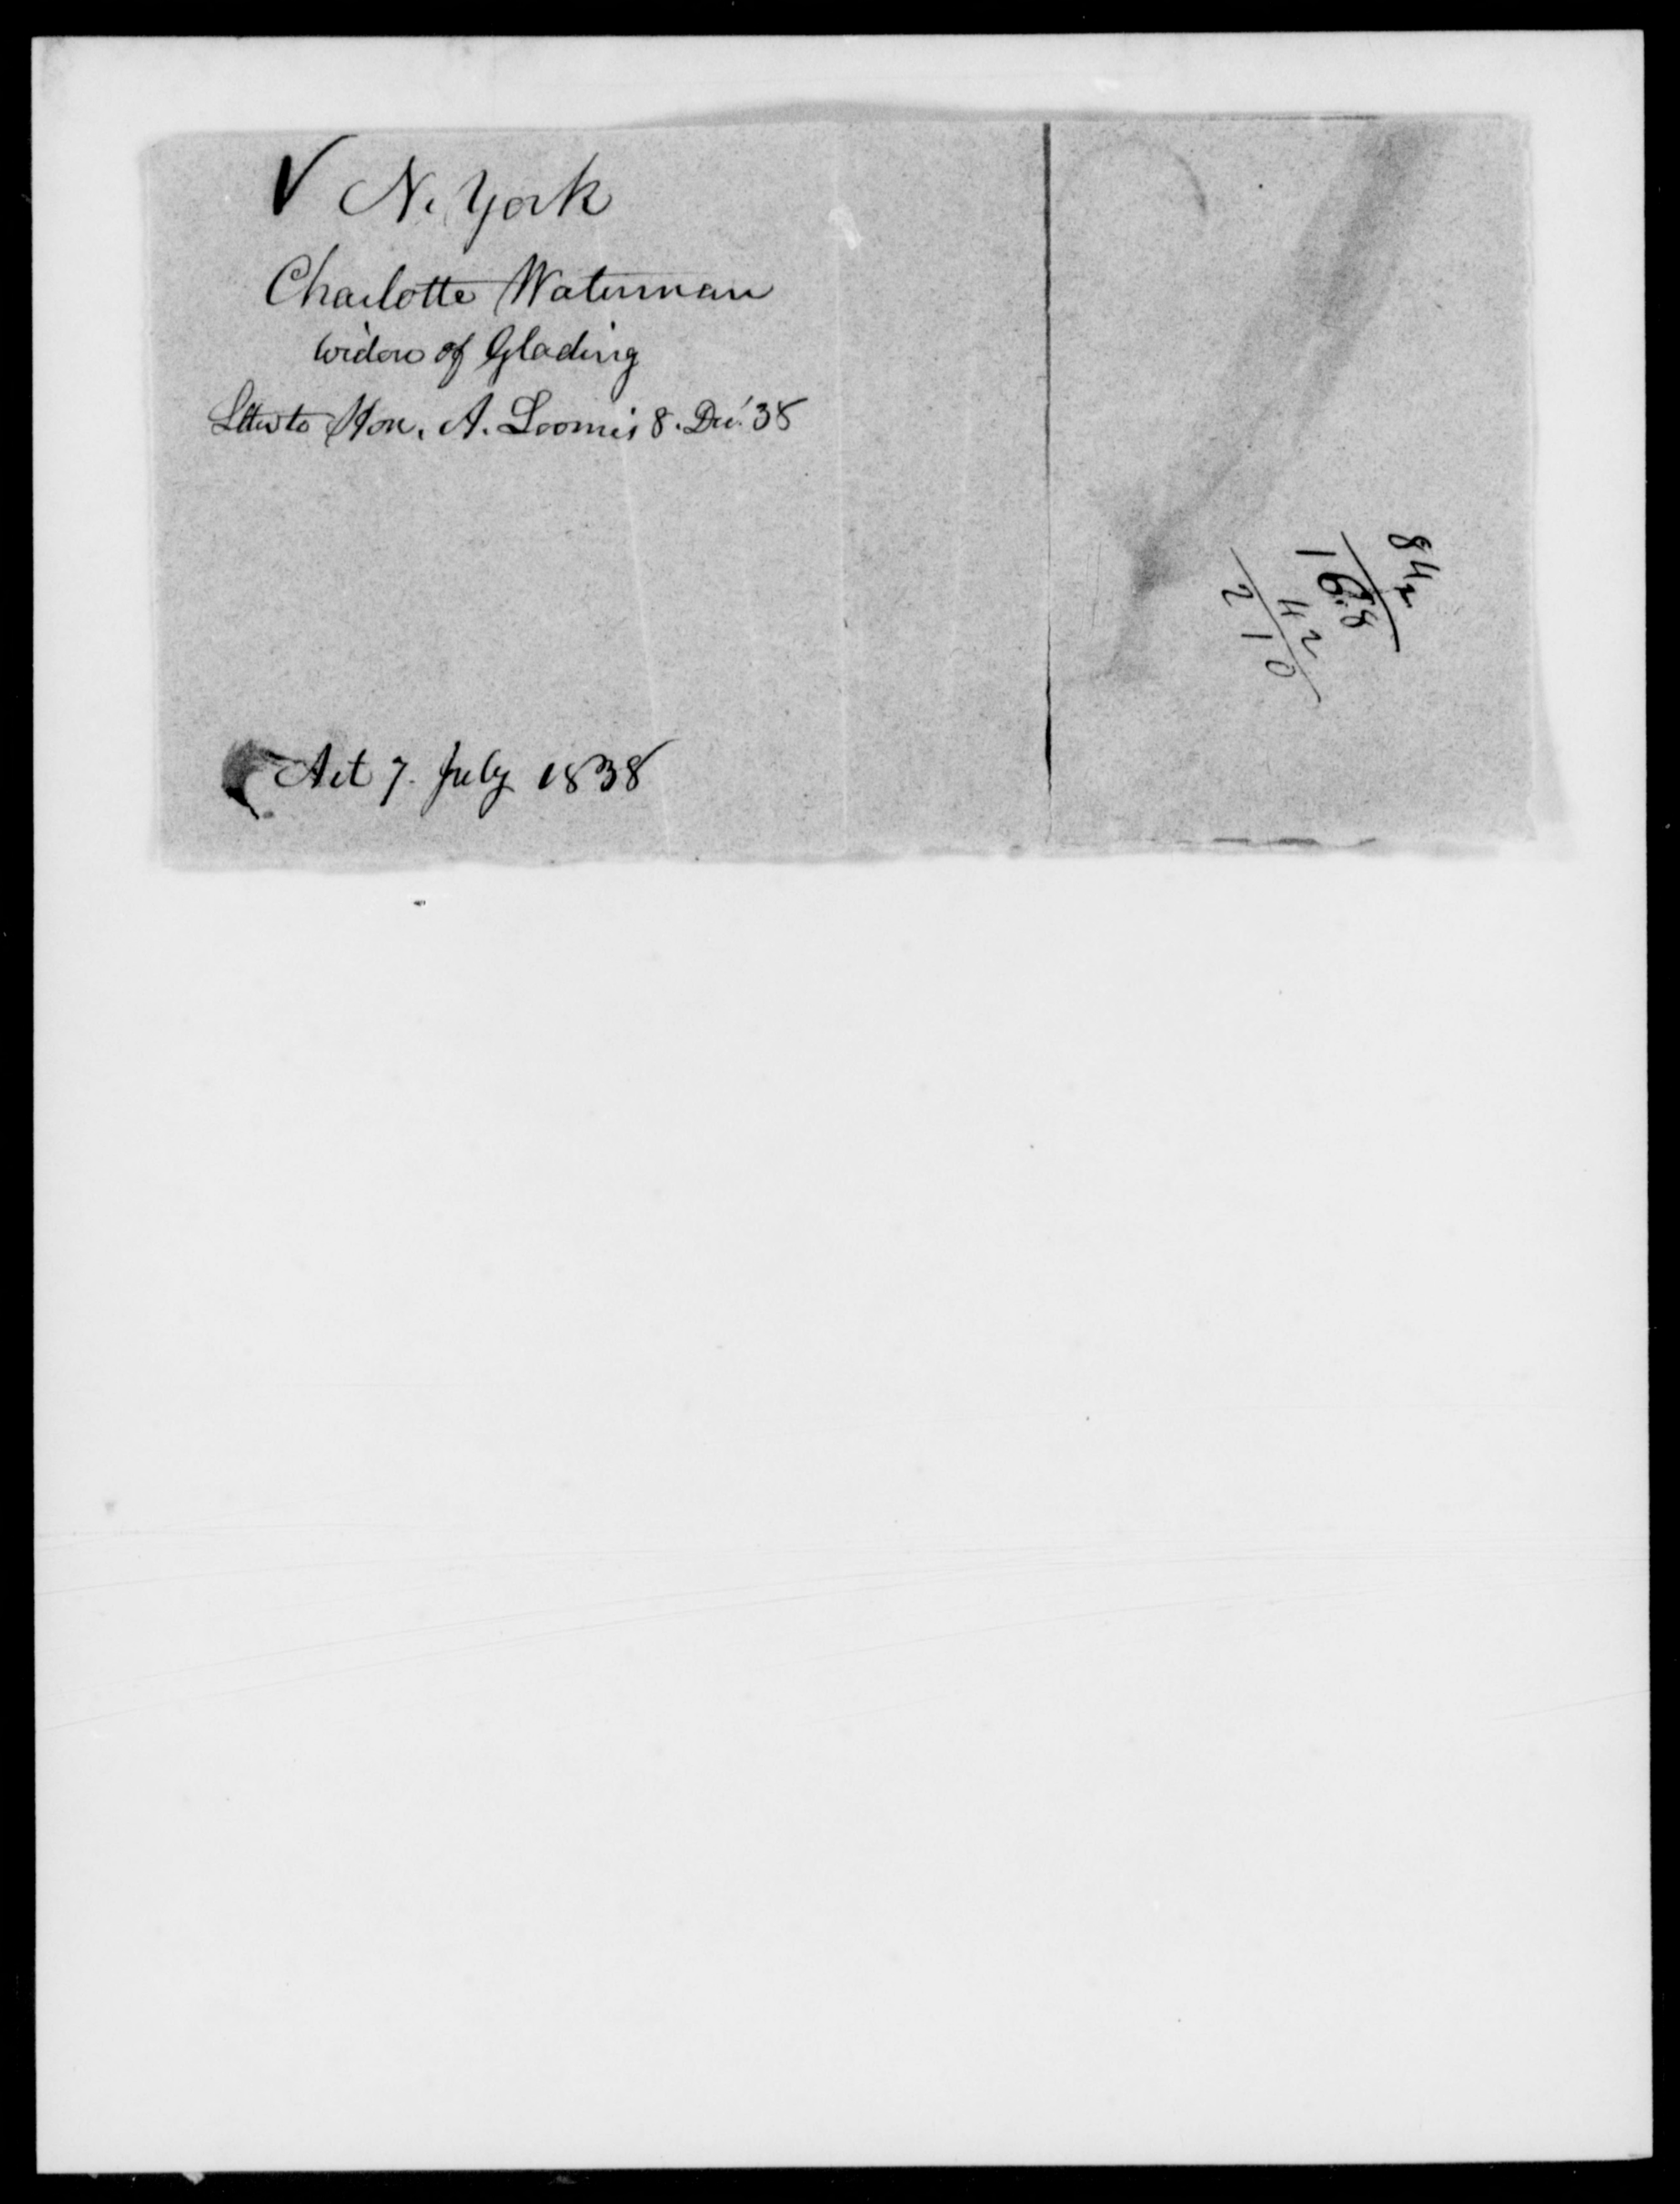N. York
Charlotte Waterman
widow of Glading
Letter to Hon. A Loomis  8 Dec '38

 84
    2
 ----
168
  42
------
210



Act 7 July 1838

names: Glading Waterman, Charlotte Waterman, A Loomis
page: 38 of 50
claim: widow's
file: W. 15814, Glading Waterman, Conn. Conn. Sea Service Continental